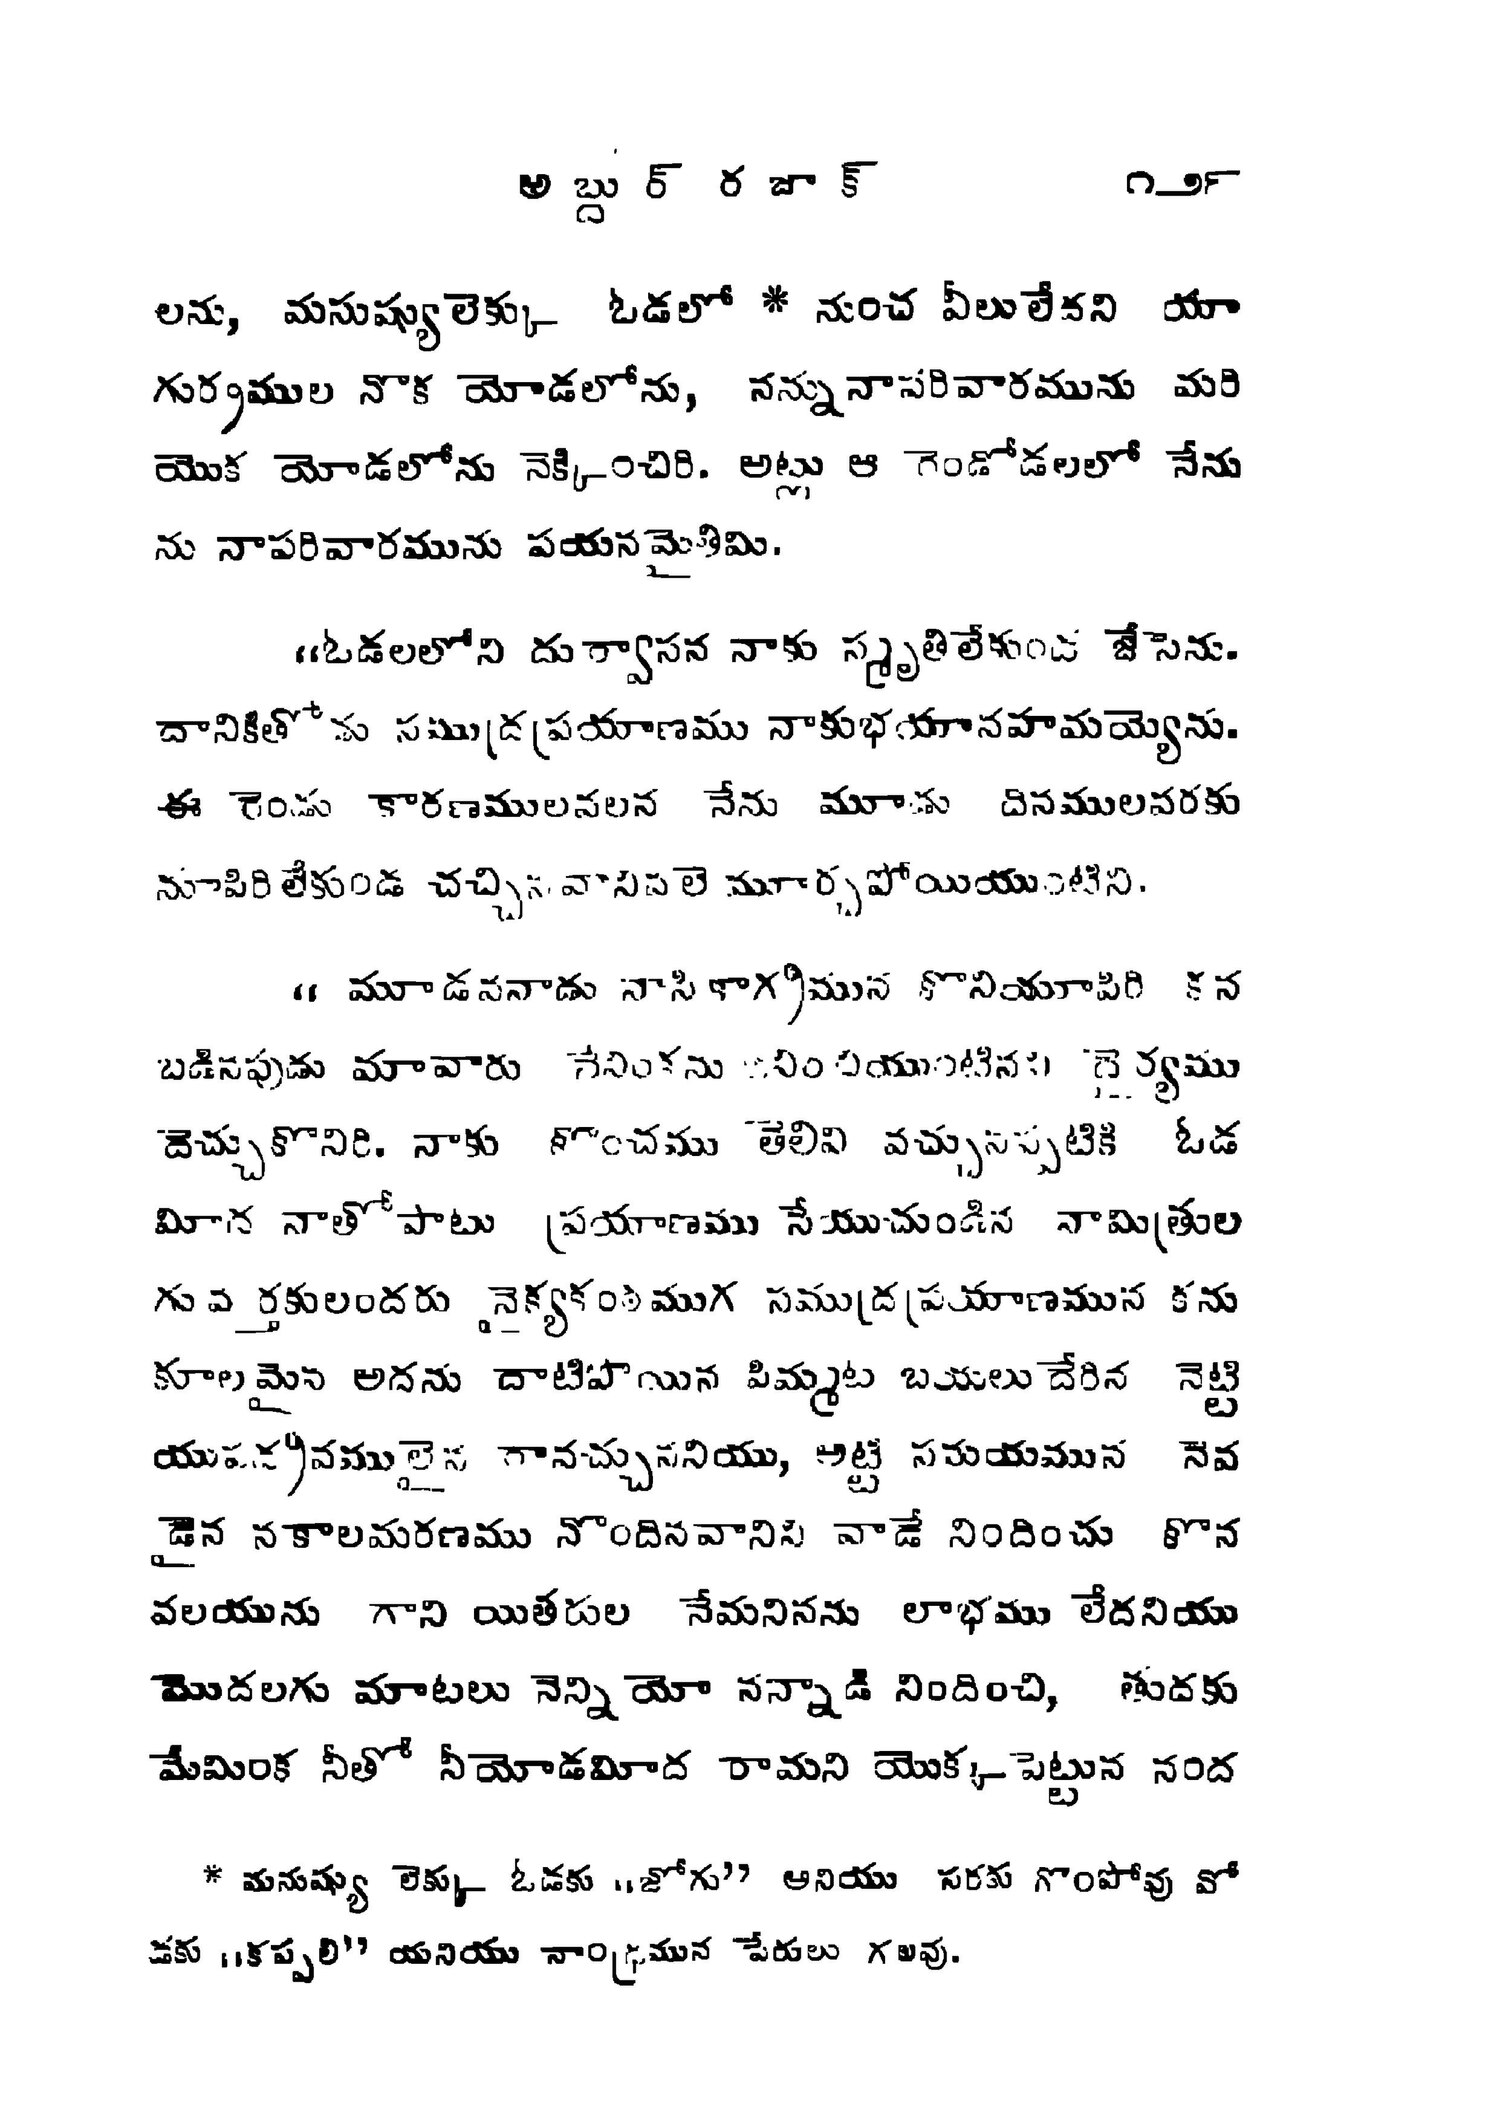లను, మనుష్యులెక్కు ఓడలో నుంచ వీలులేదని యా గుర్రముల నొక యోడలోను, నన్ను నాపరివారమును మరియొక యోడలోను నెక్కించిరి. అట్లు ఆ రెండోడలలో నేనును నా పరివారమును పయనమైతిమి.

"ఓడలలోని దుర్వాసన నాకు స్మృతిలేకుండ జేసెను. దానికి తోడు సముద్రప్రయాణము నాకు భయానహమయ్యెను. ఈ రెండు కారణముల వలన నేను మూడు దినములవరకు నూపిరిలేకుండ చచ్చినివానివలె మూర్చ పోయియుంటిని.

"మూడవనాడు నాసికాగ్రమున కొనియూపిరి కనబడినపుడు మావారు నేనింకను జీవించియుంటినని దైర్యము దెచ్చుకొనిరి. నాకు కొంచము తెలివి వచ్చునప్పటికి ఓడమీద నాతోపాటు ప్రయాణము సేయుచుండిన నామిత్రులగు వర్తకులందరు నైక్యకంఠముగ సముద్రప్రయాణమున కనుకూలమైన అదను దాటిపోయిన పిమ్మట బయలు దేరిన నెట్టి యుపద్రవములైన రావచ్చుననియు, అట్టి సమయమున నెవడైన నకాలమరణము నొందిన వానిని వాడే నిందించు కొనవలయును గాని యితరుల నేమనినను లాభము లేదనియు మొదలగు మాటలు నెన్నియో నన్నాడి నిందించి, తుదకు మేమింక నీతో నీయోడమీద రామని యొక్కపెట్టున నంద